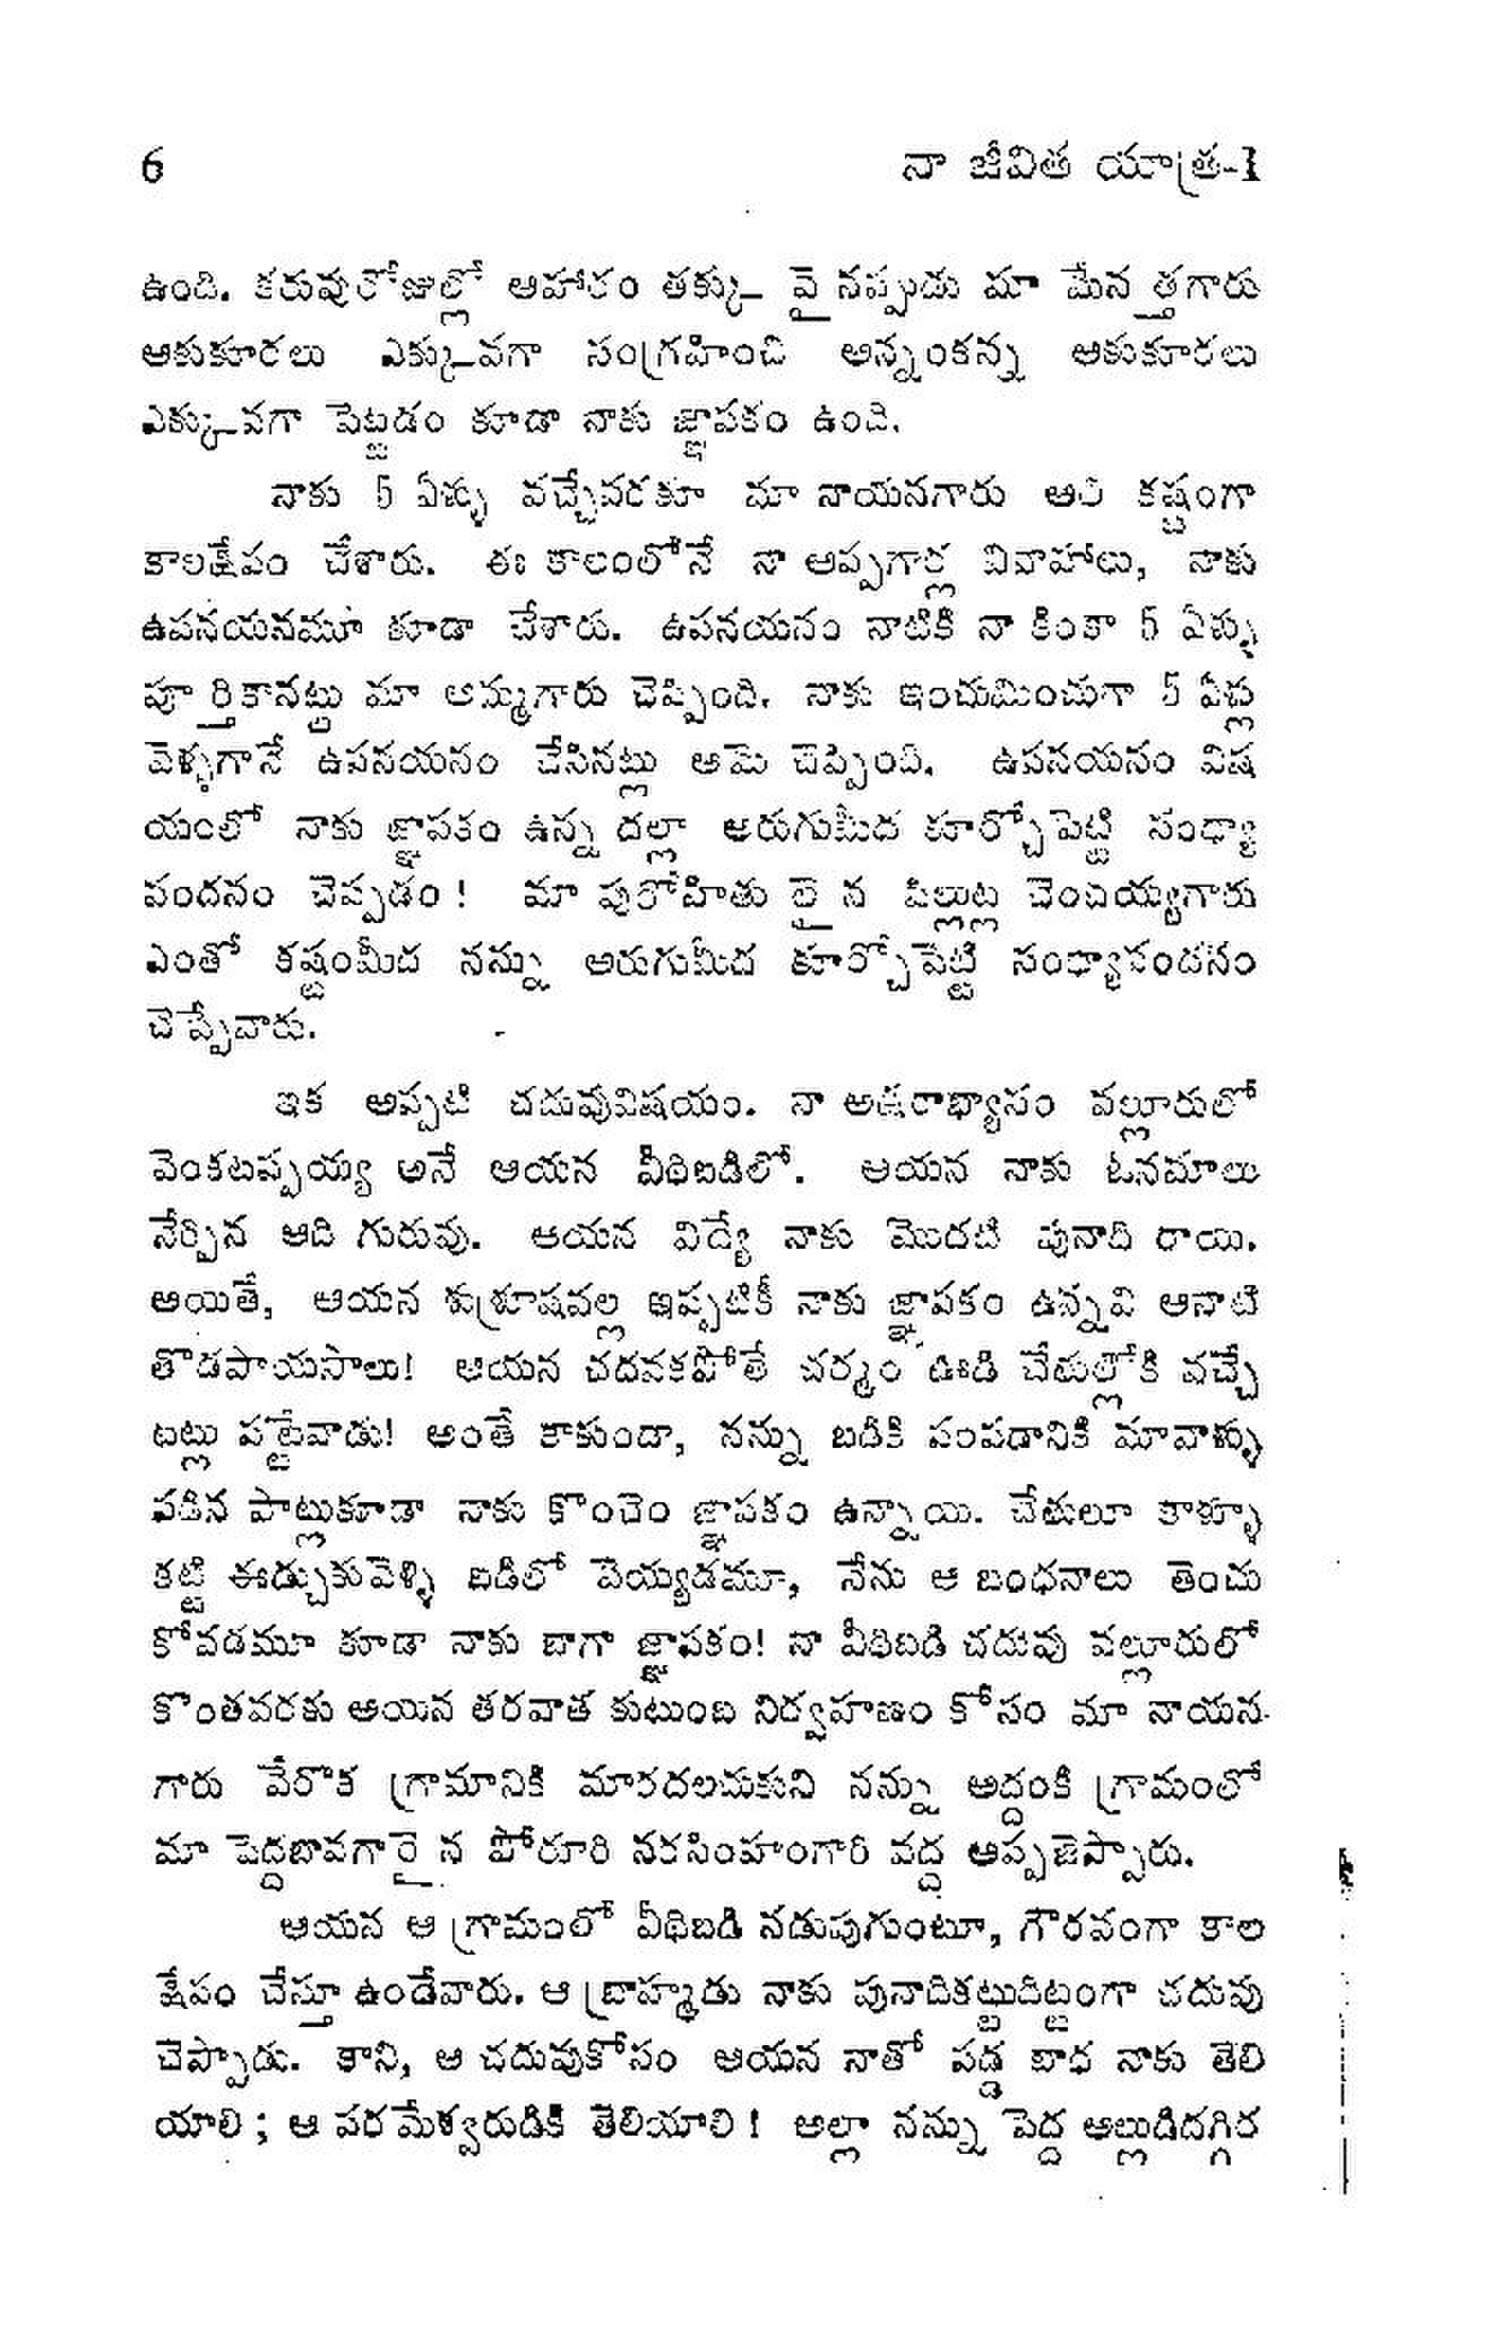ఉంది. కరువు రోజుల్లో ఆహారం తక్కువైనపుడు మా మేనత్త గారు ఆకుకూరలు ఎక్కువగా సంగ్రహంచి అన్నం కన్న ఆకుకూరలు ఎక్కువగా పెట్టడం కూడా నాకు జ్ఞాపకం వుంది.

నాకు 5 ఏళ్ళు వచ్చేవరకూ మా నాయనగారు అతి కష్టంగా కాలక్షేపం చేశారు. ఈ కాలంలోనే నా అప్పగార్ల వివాహాలు, నాకు ఉపనయనమూ కూడా చేశారు. ఉపనయనం నాటికి నాకింకా 5 ఏళ్ళు పూర్తికానట్టు మా అమ్మగారు చెప్పింది. నాకు ఇంచుమించుగా 5 ఏళ్ళు వెళ్ళగానే ఉపనయనం చేసినట్లు ఆమె చెప్పింది. ఉపనయనం విషయంలో నాకు జ్ఞాపకం ఉన్న దల్లా అరుగుమీద కూర్చోబెట్టి సంధ్యావందనం చెప్పడం! మా పురోహితులైన పిల్లుట్ల చెంచయ్య గారు ఎంతో కష్టం మీద నన్ను అరుగుమీద కూర్చోబెట్టి సంధ్యావందనం చెప్పేవారు.

ఇక అప్పటి చదువు విషయం. నా అక్షరాభ్యాసం వల్లూరులో వెంకటప్పయ్య అనే ఆయన వీధి బడిలో. ఆయన నాకు ఓనమాలు నేర్పిన ఆది గురువు. ఆయన విద్యే నాకు మొదటి పునాది రాయి. అయితే, ఆయన శుశ్రూషవల్ల ఇప్పటికీ నాకు వున్నవి ఆనాటి తొడపాయసాలు! ఆయన చదవకపోతే చర్మం వూడి చేతుల్లోకి వచ్చేటట్లు పట్టేవాడు! అంతే కాకుండా, నన్ను బడికి పంపడానికి మావాళ్ళు పడిన పాట్లు కూడా నాకు కొంచెం జ్ఞాపకం ఉన్నాయి. చేతులూ కాళ్ళూ కట్టి ఈడ్చుకువెళ్ళి బడిలో వెయ్యడమూ, నేను ఆ బంధనాలు తెంచుకోవడమూ కూడా నాకు కొంచెం జ్ఞాపకం! నా వీధిబడి చదువు వల్లూరులో కొంతవరకు అయిన తరువాత కుటుంబ నిర్వహణం కోసం మా నాయన గారు వేరొక గ్రామానికి మారదలచుకొని నన్ను అద్దంకి గ్రామంలో మా పెద్దబావగారైన పోరూరి నరసింహంగారి వద్ద అప్పచెప్పారు. 
 
ఆయన ఆ గ్రామలో వీధిబడి నడుపుకుంటూ, గౌరవంగా కాలక్షేపం చేస్తూ ఉండేవారు. ఆ బ్రాహ్మడు నాకు పునాదికట్టుదిట్టంగా చదువు చెప్పాడు. కాని, ఆ చదువుకోసం ఆయన నాతో పడ్డ బాధ నాకు తెలియాలి; ఆ పరమేశ్వరుడికి తెలియాలి! అల్లా నన్ను పెద్ద అల్లుడిదగ్గిర